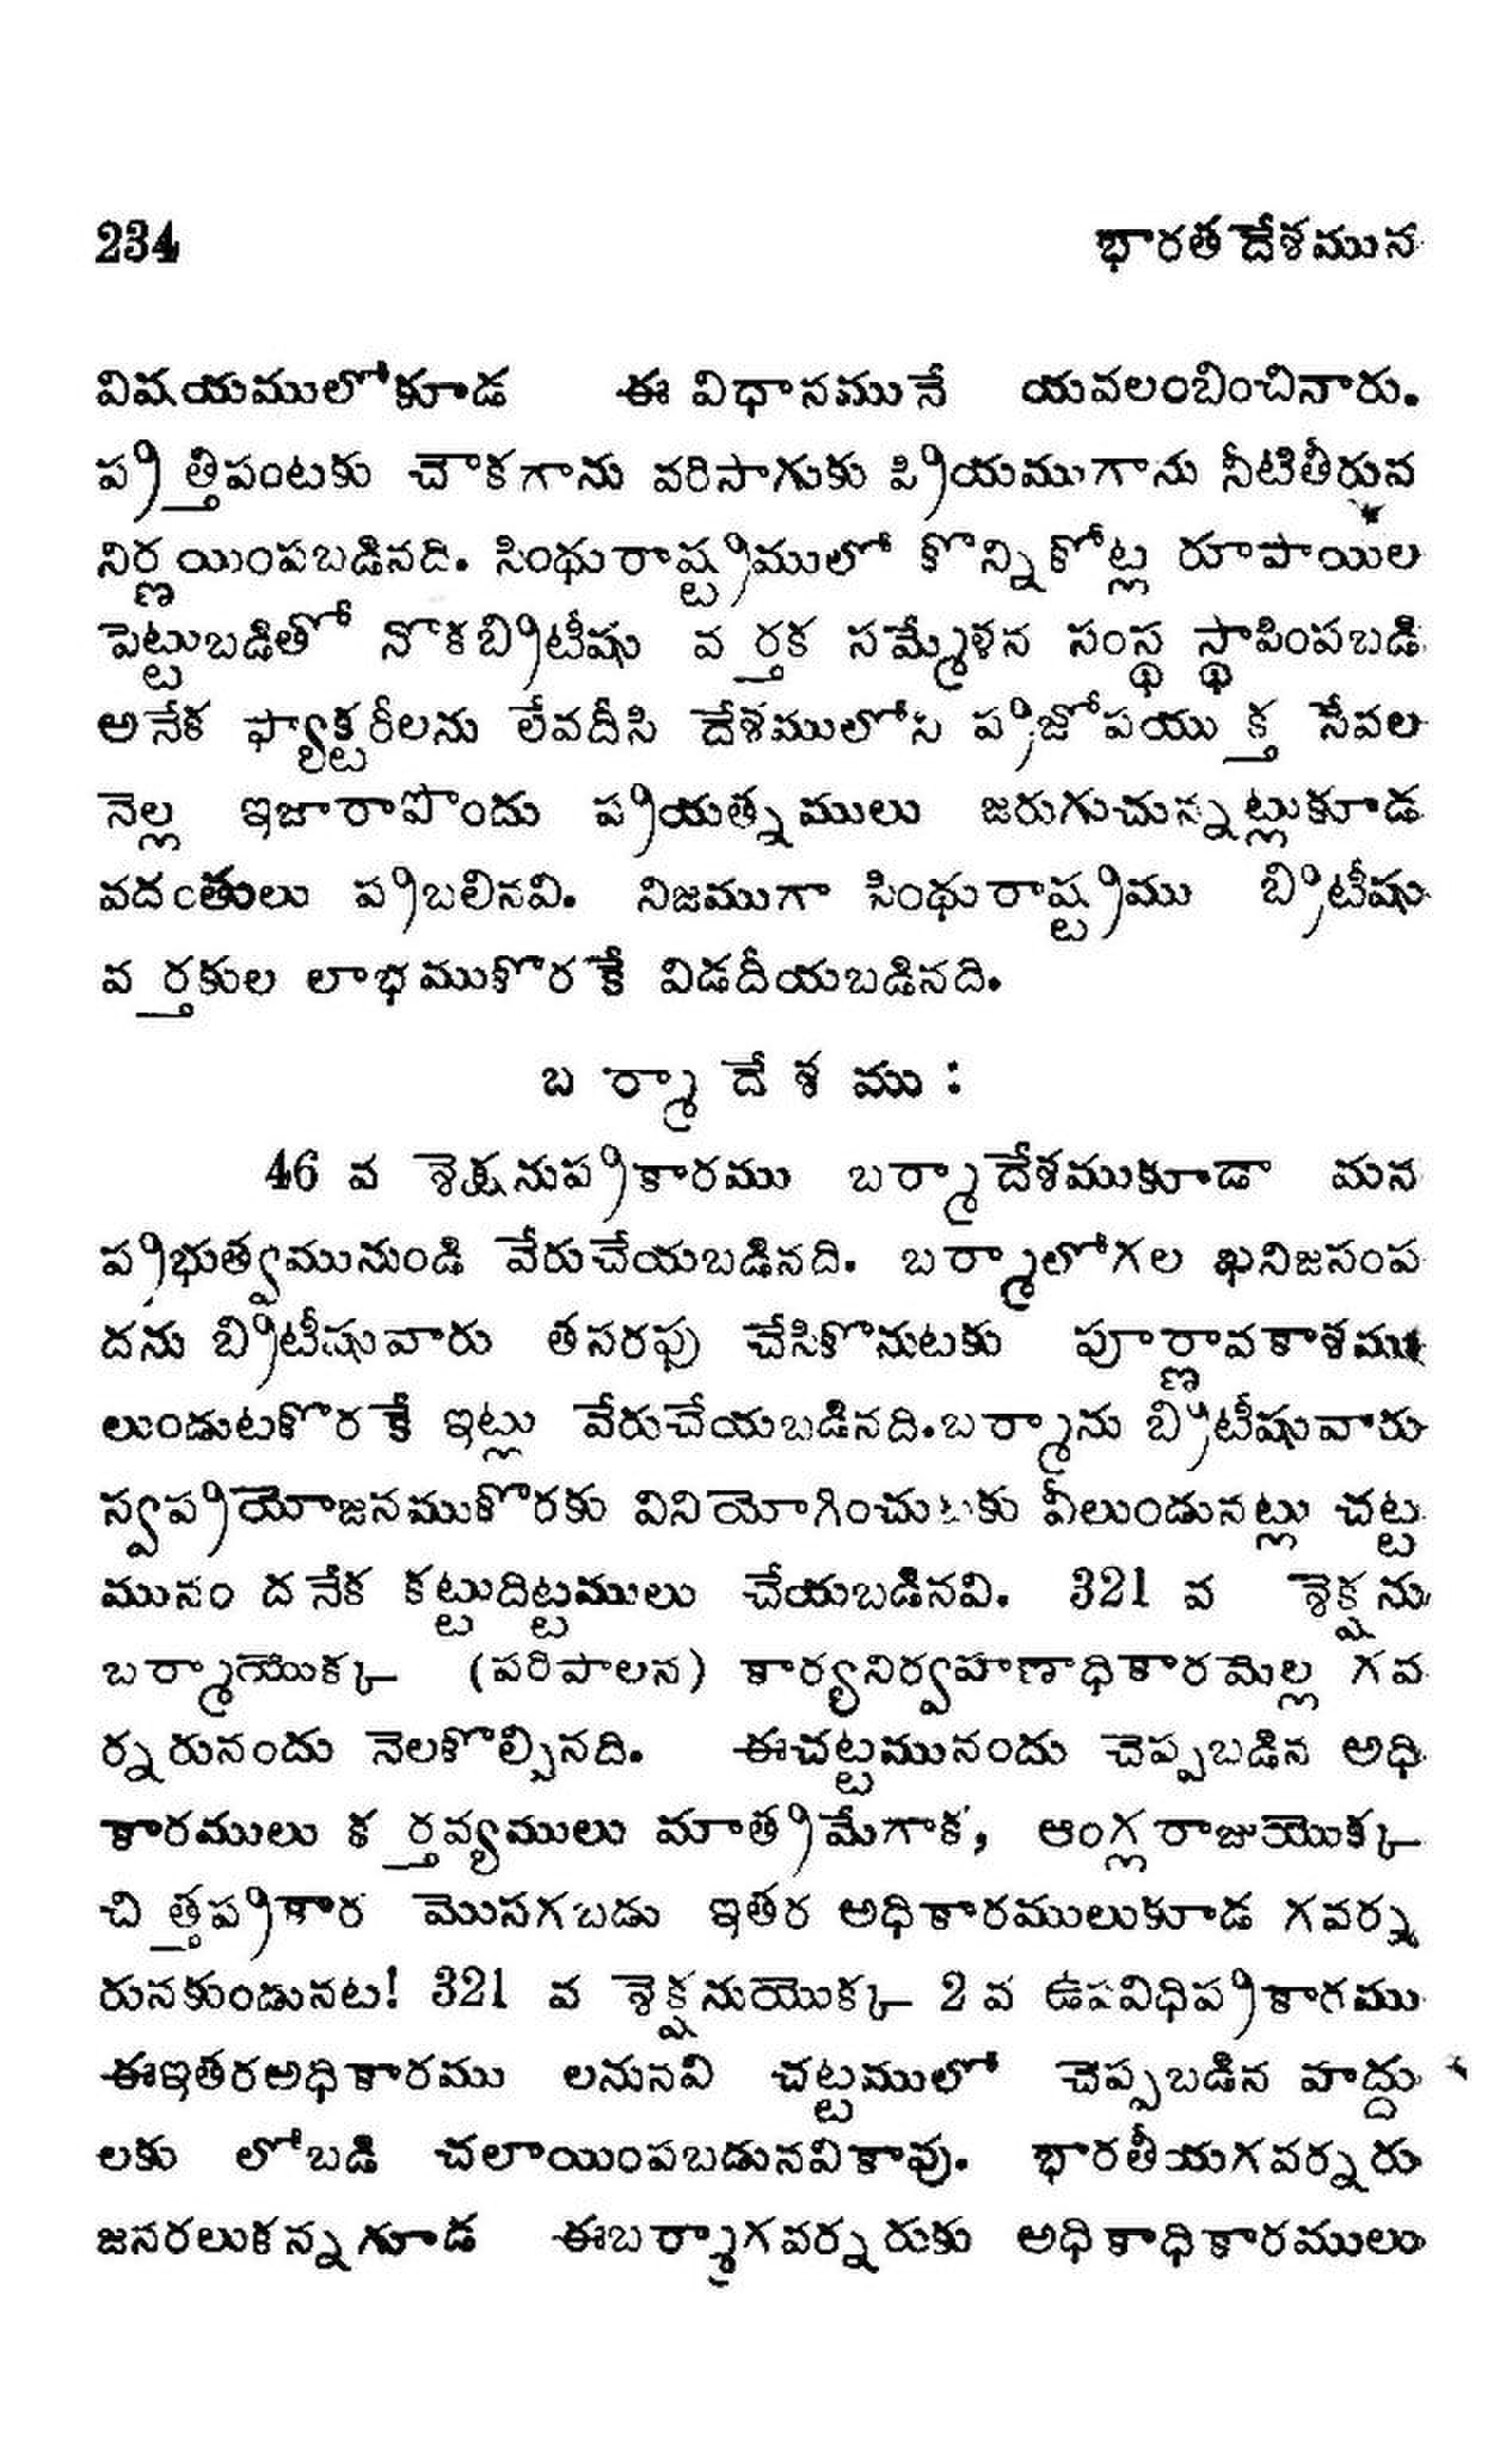విషయములోకూడ ఈవిధానమునే యవలంబించినారు. ప్రత్తిపంటకు చౌకగాను వరిసాగుకు ప్రియముగాను నీటితీరువ నిర్ణయింపబడినది. సింధురాష్ట్రములో కొన్నికోట్ల రూపాయిల పెట్టుబడితో నొకబ్రిటీషు వర్తక సమ్మేళన సంస్థ స్థాపింపబడి అనేక ఫ్యాక్టరీలను లేవదీసి దేశములోని ప్రజోపయుక్త సేవలనెల్ల ఇజారాపొందు ప్రయత్నములు జరుగుచున్నట్లుకూడ వదంతులు ప్రబలినవి. నిజముగా సింధురాష్ట్రము బ్రిటీషు వర్తకుల లాభముకొరకే విడదీయబడినది.

బర్మా దేశము: 

46 వ శెక్షనుప్రకారము బర్మాదేశముకూడా మన ప్రభుత్వమునుండి వేరుచేయబడినది. బర్మాలోగల ఖనిజసంపదను బిటీషువారు తనరఫు చేసికొనుటకు పూర్ణావకాశము లుండుటకొరకే ఇట్లు వేరుచేయబడినది. బర్మాను బ్రిటీషువారు స్వప్రయోజనముకొరకు వినియోగించుటకు వీలుండునట్లు చట్టమునం దనేక కట్టుదిట్టములు చేయబడినవి. 321 వ శెక్షను బర్మాయొక్క (పరిపాలన) కార్యనిర్వహణాధికారమెల్ల గవర్నరునందు నెలకొల్పినది. ఈచట్టమునందు చెప్పబడిన అధికారములు కర్తవ్యములు మాత్రమేగాక, ఆంగ్లరాజుయొక్క చిత్తప్రకార మొసగబడు ఇతర అధికారములుకూడ గవర్నరునకుండునట! 321 వ శెక్షనుయొక్క 2 వ ఉపవిధిప్రకారము ఈఇతరఅధికారము లనునవి చట్టములో చెప్పబడిన హద్దులకు లోబడి చలాయింపబడునవికావు. భారతీయగవర్నరు జనరలుకన్నగూడ ఈబర్మాగవర్నరుకు అధికాధికారములు